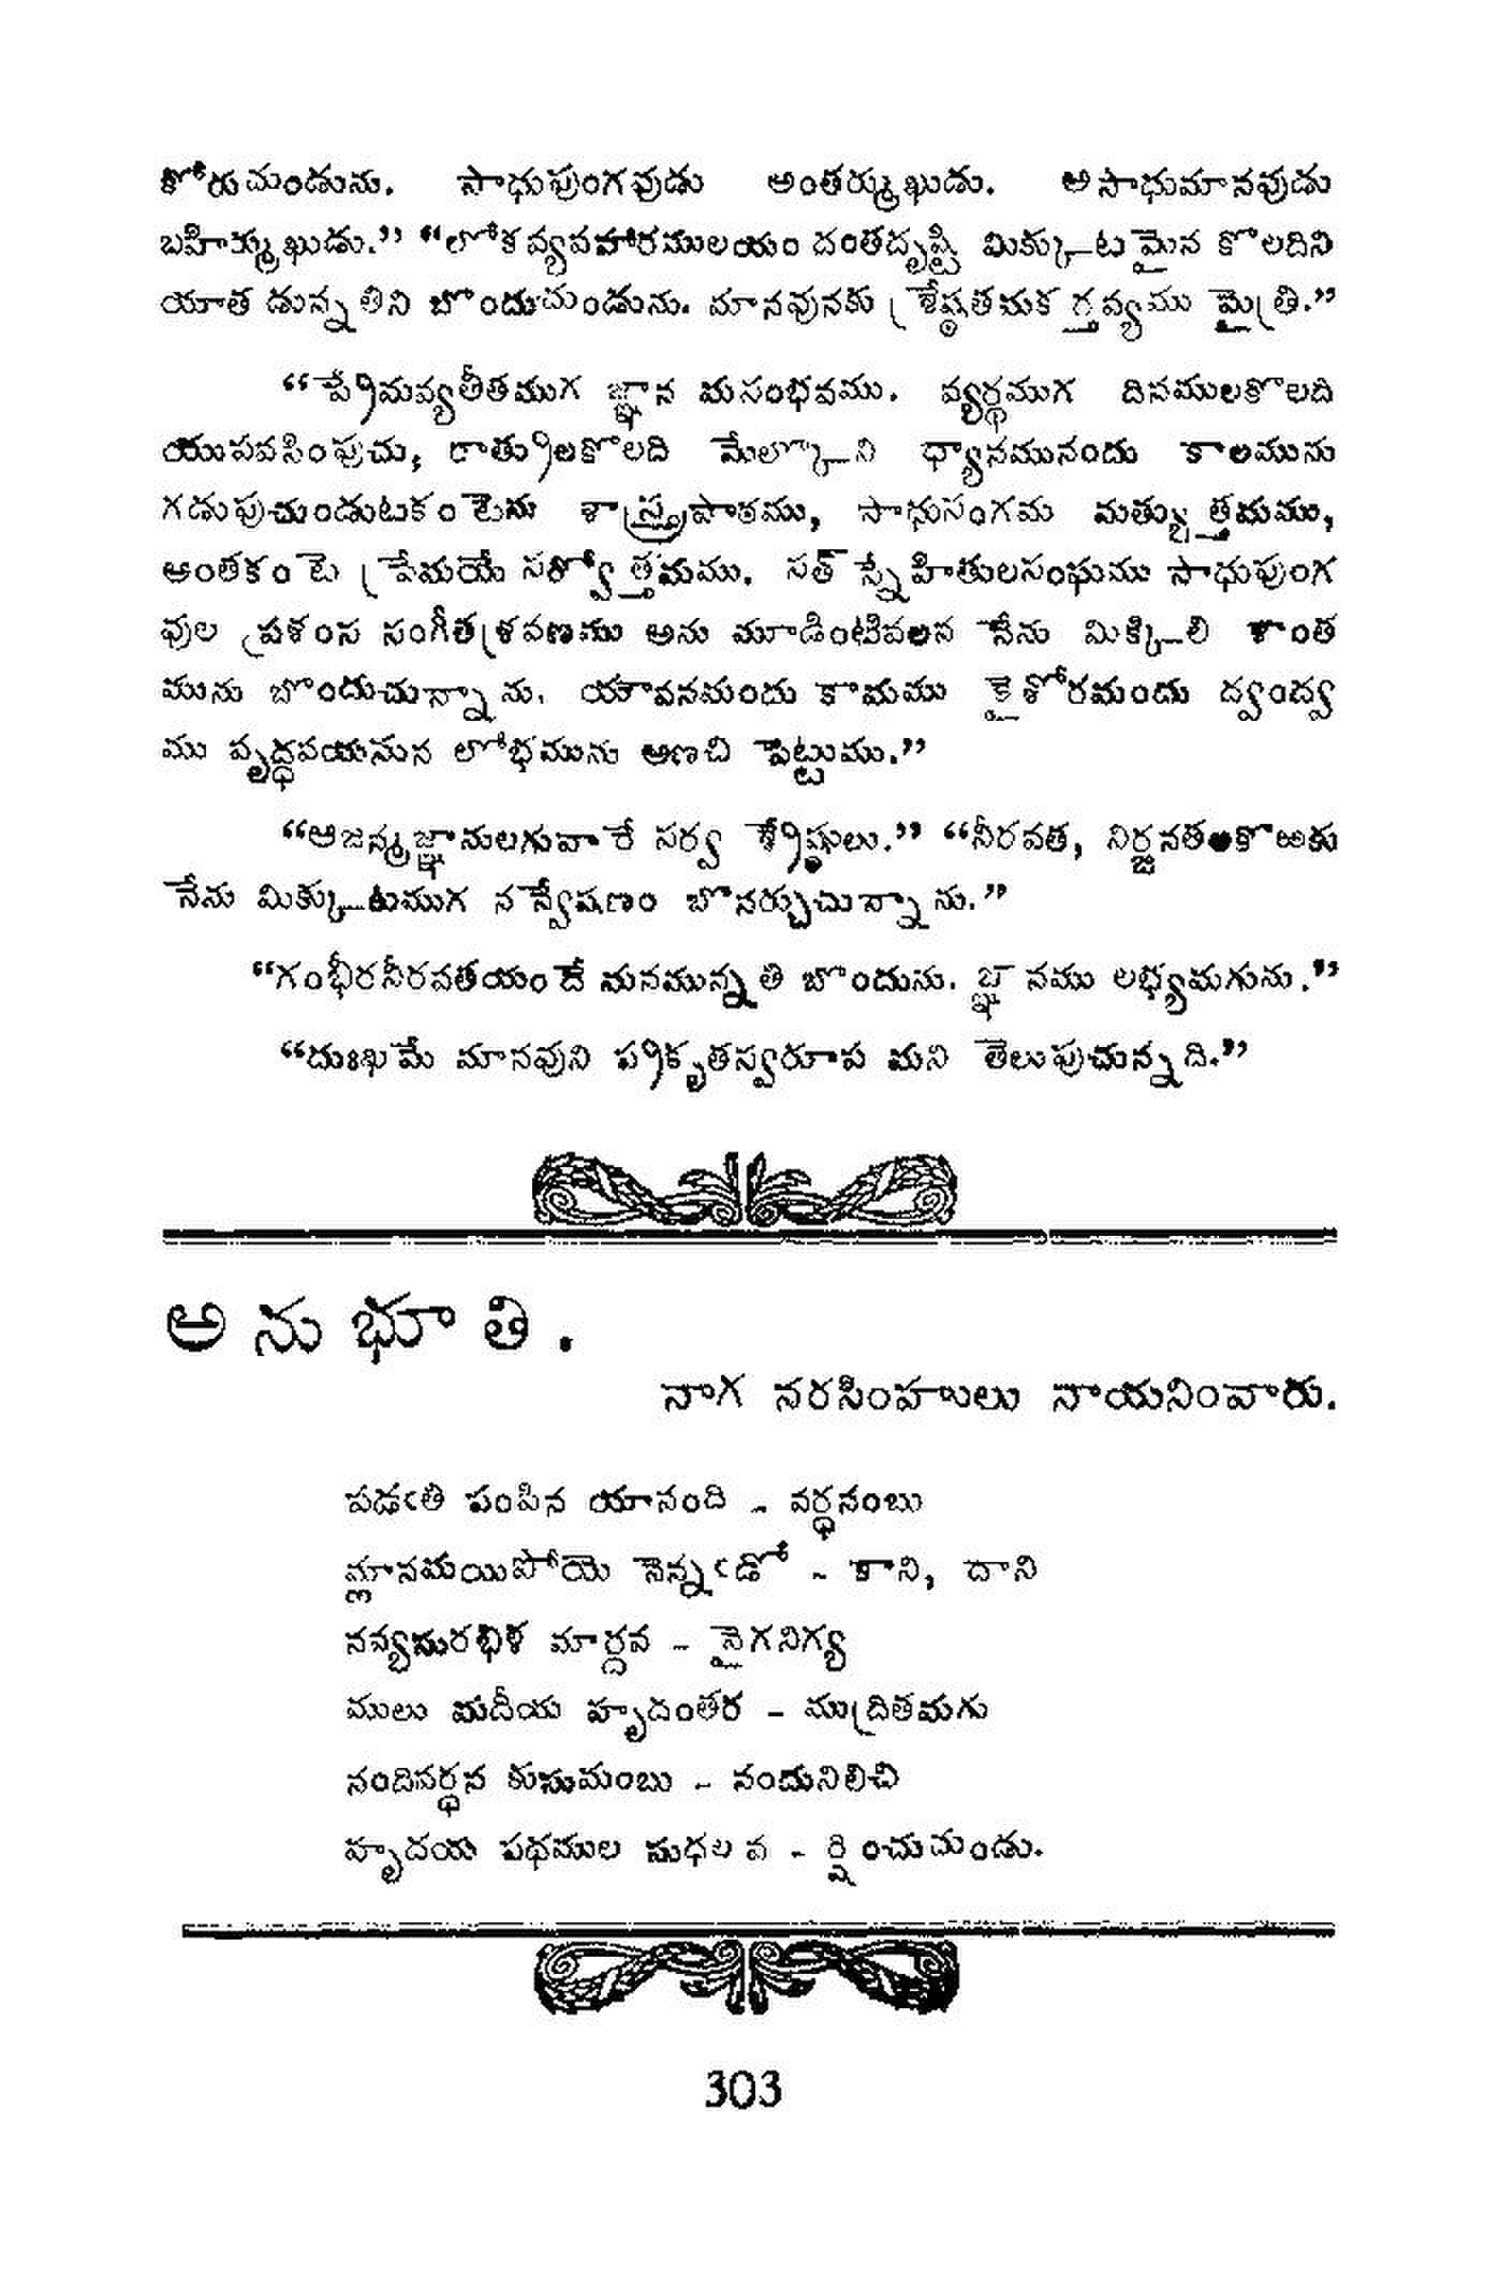కోరుచుండును. సాధుపుంగవుడు అంతర్ముఖుడు. ఆసాధుమానవుడు బహిర్మఖుడు." "లోకవ్యవహారములయం దంతదృష్టి మిక్కుటమైన కొలదిని యాత డున్నతిని బొందుచుందును. మనవులకు శ్రేష్ఠతమకర్తవ్యము మైత్రి."
 
"ప్రేమన్యతీతముగ జ్ఞాన మసంభవము. వ్యర్ధముగ దినములకొలది యుపవసింపుచు, రాత్రులకొలది మేల్కొని ధ్యానమునందు కాలమును గడుపుచుండుటకంటెను శాస్త్రపాఠము, సాధుసంగమ మత్యుత్తమము. అంతకంటె ప్రేమయే సర్వోత్తమమము, సత్ స్నేహితులసంఘము సాధుపుంగవుల ప్రశంస సంగీతశ్రవణము అను మూడింటివలన నేను మిక్కిలి శాంతమును బొందుచు న్నాను. యౌవనమందు కామము కైశోరమందు ద్వంద్వము వృద్ధవయసున లోభమును అణచి పెట్టును."
 
"ఆజన్మజ్ఞాననులగువారే స్సర్వ శ్రేష్ఠులు." "నీరసత, నిర్జనతలకొఱకు నేను మిక్కుటముగ నన్వేషణం బొనర్చుచున్నాను."
 
"గంభీరనీరనతనయందే మనమున్నతి బొందును. జ్ఞానము లభ్యమగును."
 
"దు:ఖమే మానవుని ప్రకృతస్వరూప మని తెలుపుచున్నది".

అనుభూతి.

 నాగ నరసింహులు నాయనింవారు.

 పడతి పంపిన యానంది - వర్ధనంబు
 మ్లానమయిపోయె నెన్నడో - కాని, దాని
 నవ్యసురభిళ మార్ధవ -నైగనిగ్య
 ములు మదీయ హృదంతర -ముద్రితమగు
 నందివర్ధన కుసుమంబు - నందునిలిచి
 హృదయ పధముల సుధల వ -ర్షించుచుండు.